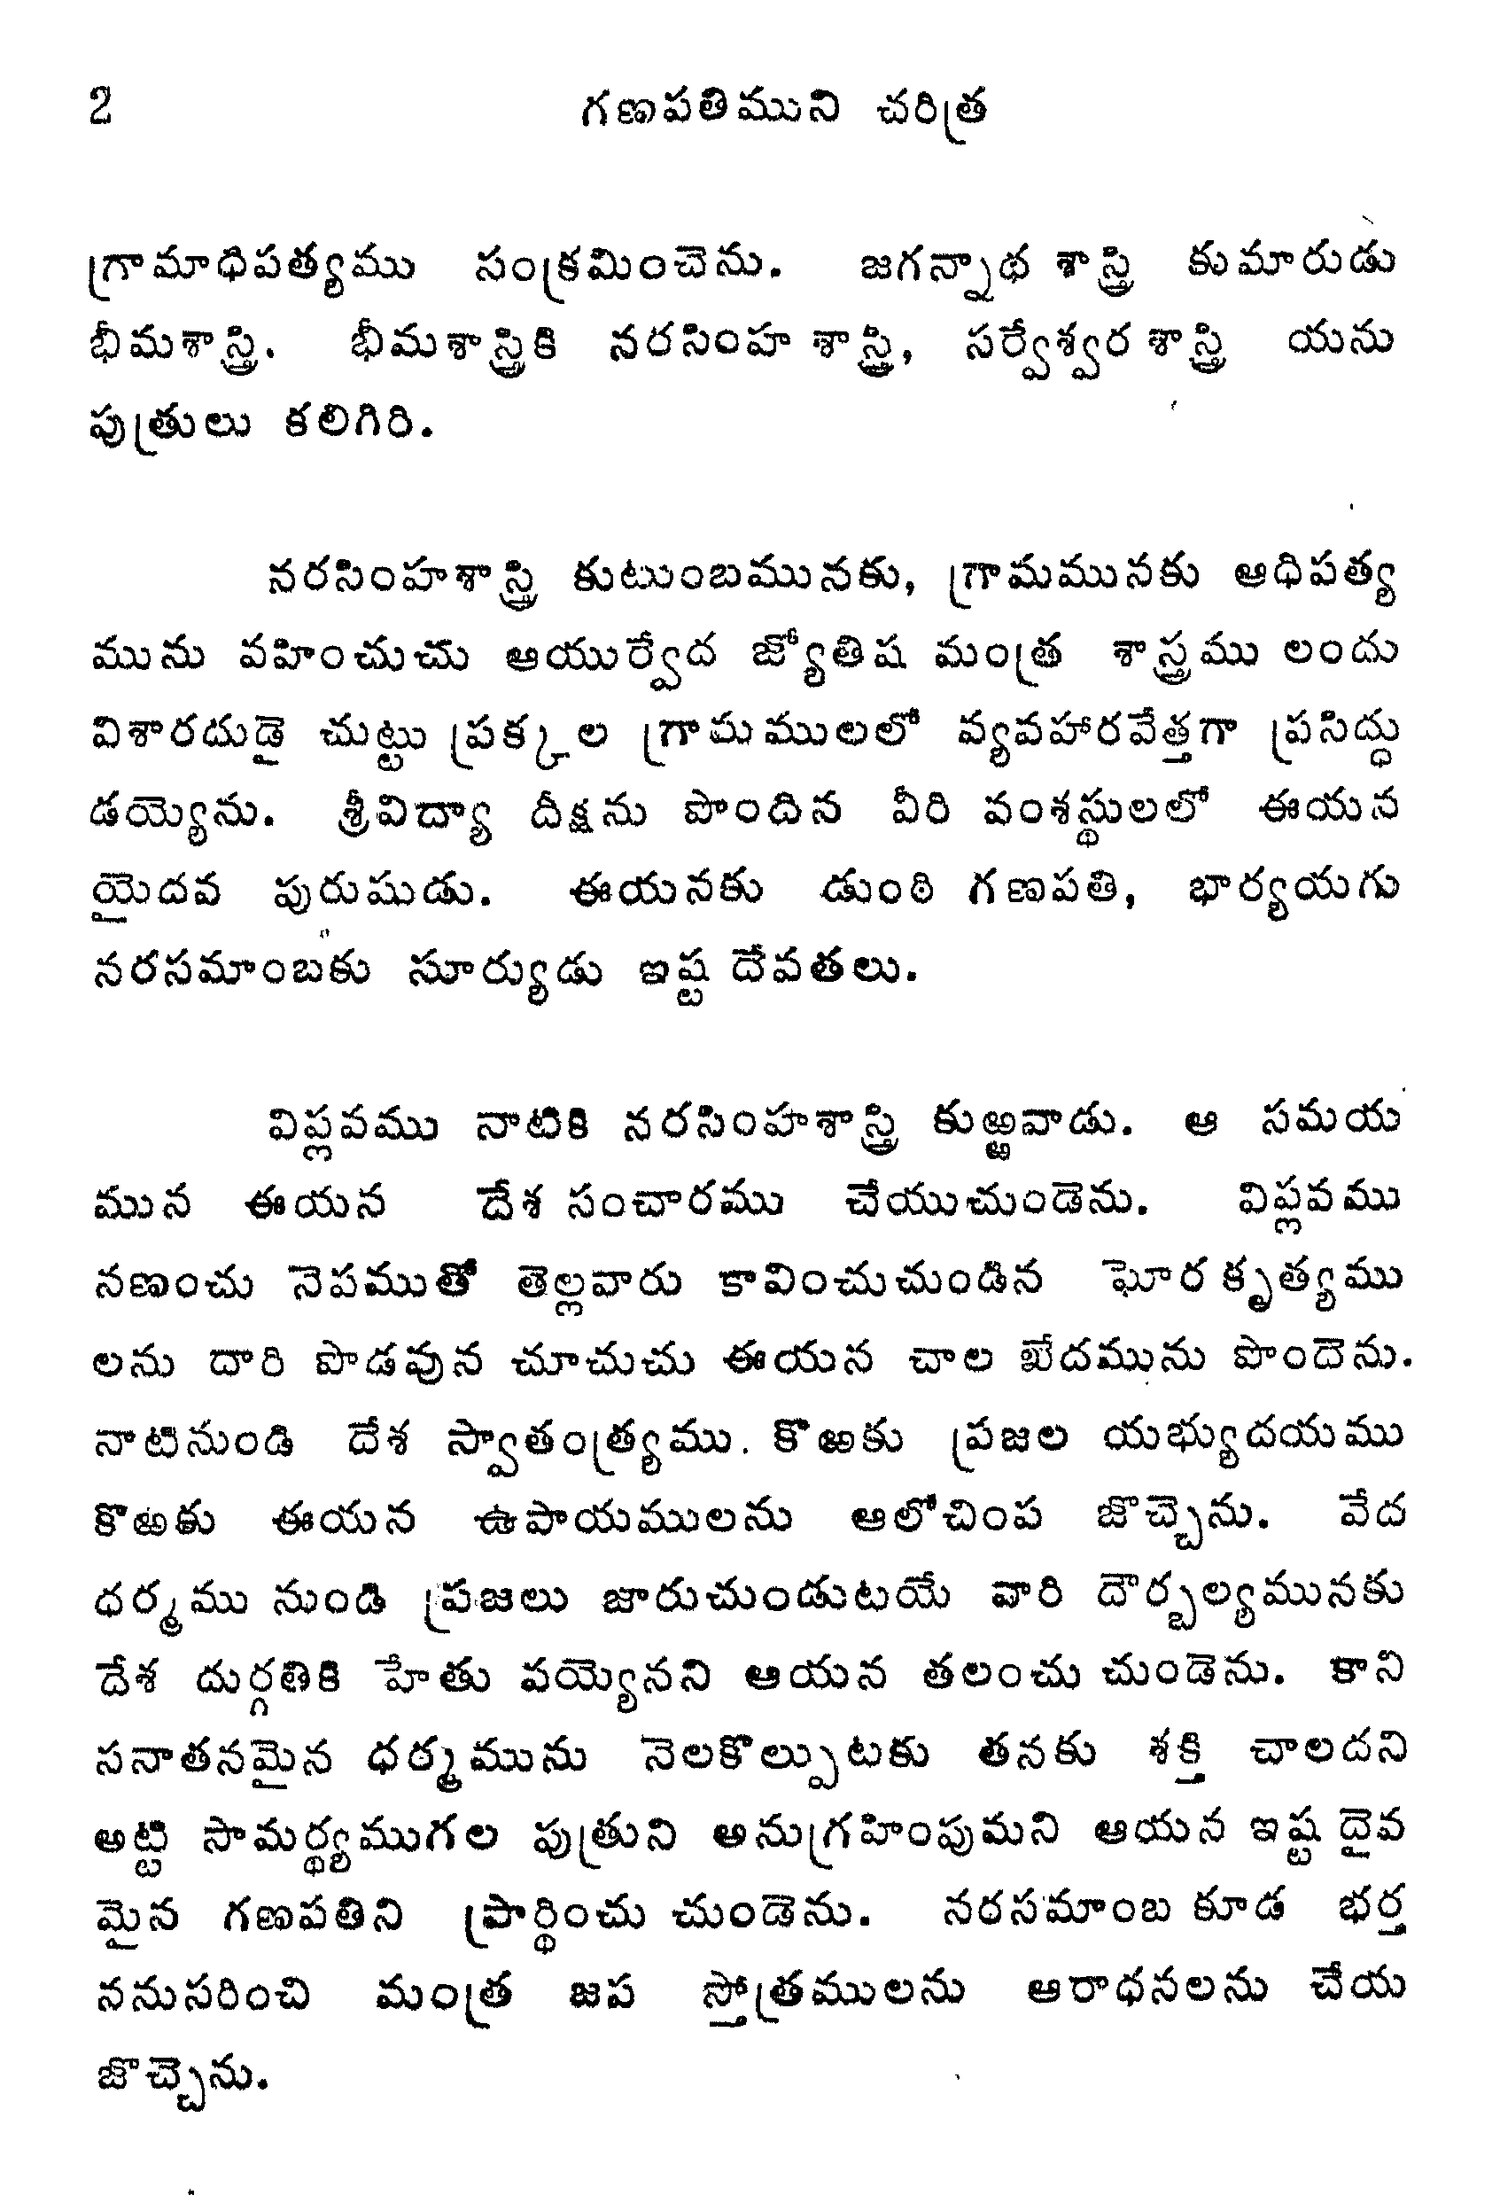గ్రామాధిపత్యము సంక్రమించెను. జగన్నాథ శాస్త్రి కుమారుడు భీమశాస్త్రి. భీమశాస్త్రికి నరసింహ శాస్త్రి, సర్వేశ్వర శాస్త్రి యను పుత్రులు కలిగిరి. 

నరసింహశాస్త్రి కుటుంబమునకు, గ్రామమునకు ఆధిపత్యమును వహించుచు ఆయుర్వేద జ్యోతిష మంత్ర శాస్త్రము లందు విశారదుడై చుట్టు ప్రక్కల గ్రామములలో వ్యవహారవేత్తగా ప్రసిద్ధుడయ్యెను. శ్రీవిద్యా దీక్షను పొందిన వీరి వంశస్థులలో ఈయన యైదవ పురుషుడు. ఈయనకు డుంఠి గణపతి, భార్యయగు నరసమాంబకు సూర్యుడు ఇష్ట దేవతలు.

విప్లవము నాటికి నరసింహశాస్త్రి కుఱ్ఱవాడు. ఆ సమయమున ఈయన దేశ సంచారము చేయుచుండెను. విప్లవము నణంచు నెపముతో తెల్లవారు కావించుచుండిన ఘోరకృత్యములను దారి పొడవున చూచుచు ఈయన చాల ఖేదమును పొందెను. నాటినుండి దేశ స్వాతంత్ర్యము కొఱకు ప్రజల యభ్యుదయము కొఱకు ఈయన ఉపాయములను ఆలోచింప జొచ్చెను. వేద దర్మము నుండి ప్రజలు జారుచుండుటయే వారి దౌర్బల్యమునకు దేశ దుర్గతికి హేతు వయ్యెనని ఆయన తలంచుచుండెను. కాని సనాతనమైన ధర్మమును నెలకొల్పుటకు తనకు శక్తి చాలదని అట్టి సామర్థ్యముగల పుత్రుని అనుగ్రహింపుమని ఆయన ఇష్టదైవమైన గణపతిని ప్రార్థించు చుండెను. నరసమాంబ కూడ భర్త ననుసరించి మంత్ర జప స్తోత్రములను ఆరాధనలను చేయ జొచ్చెను.